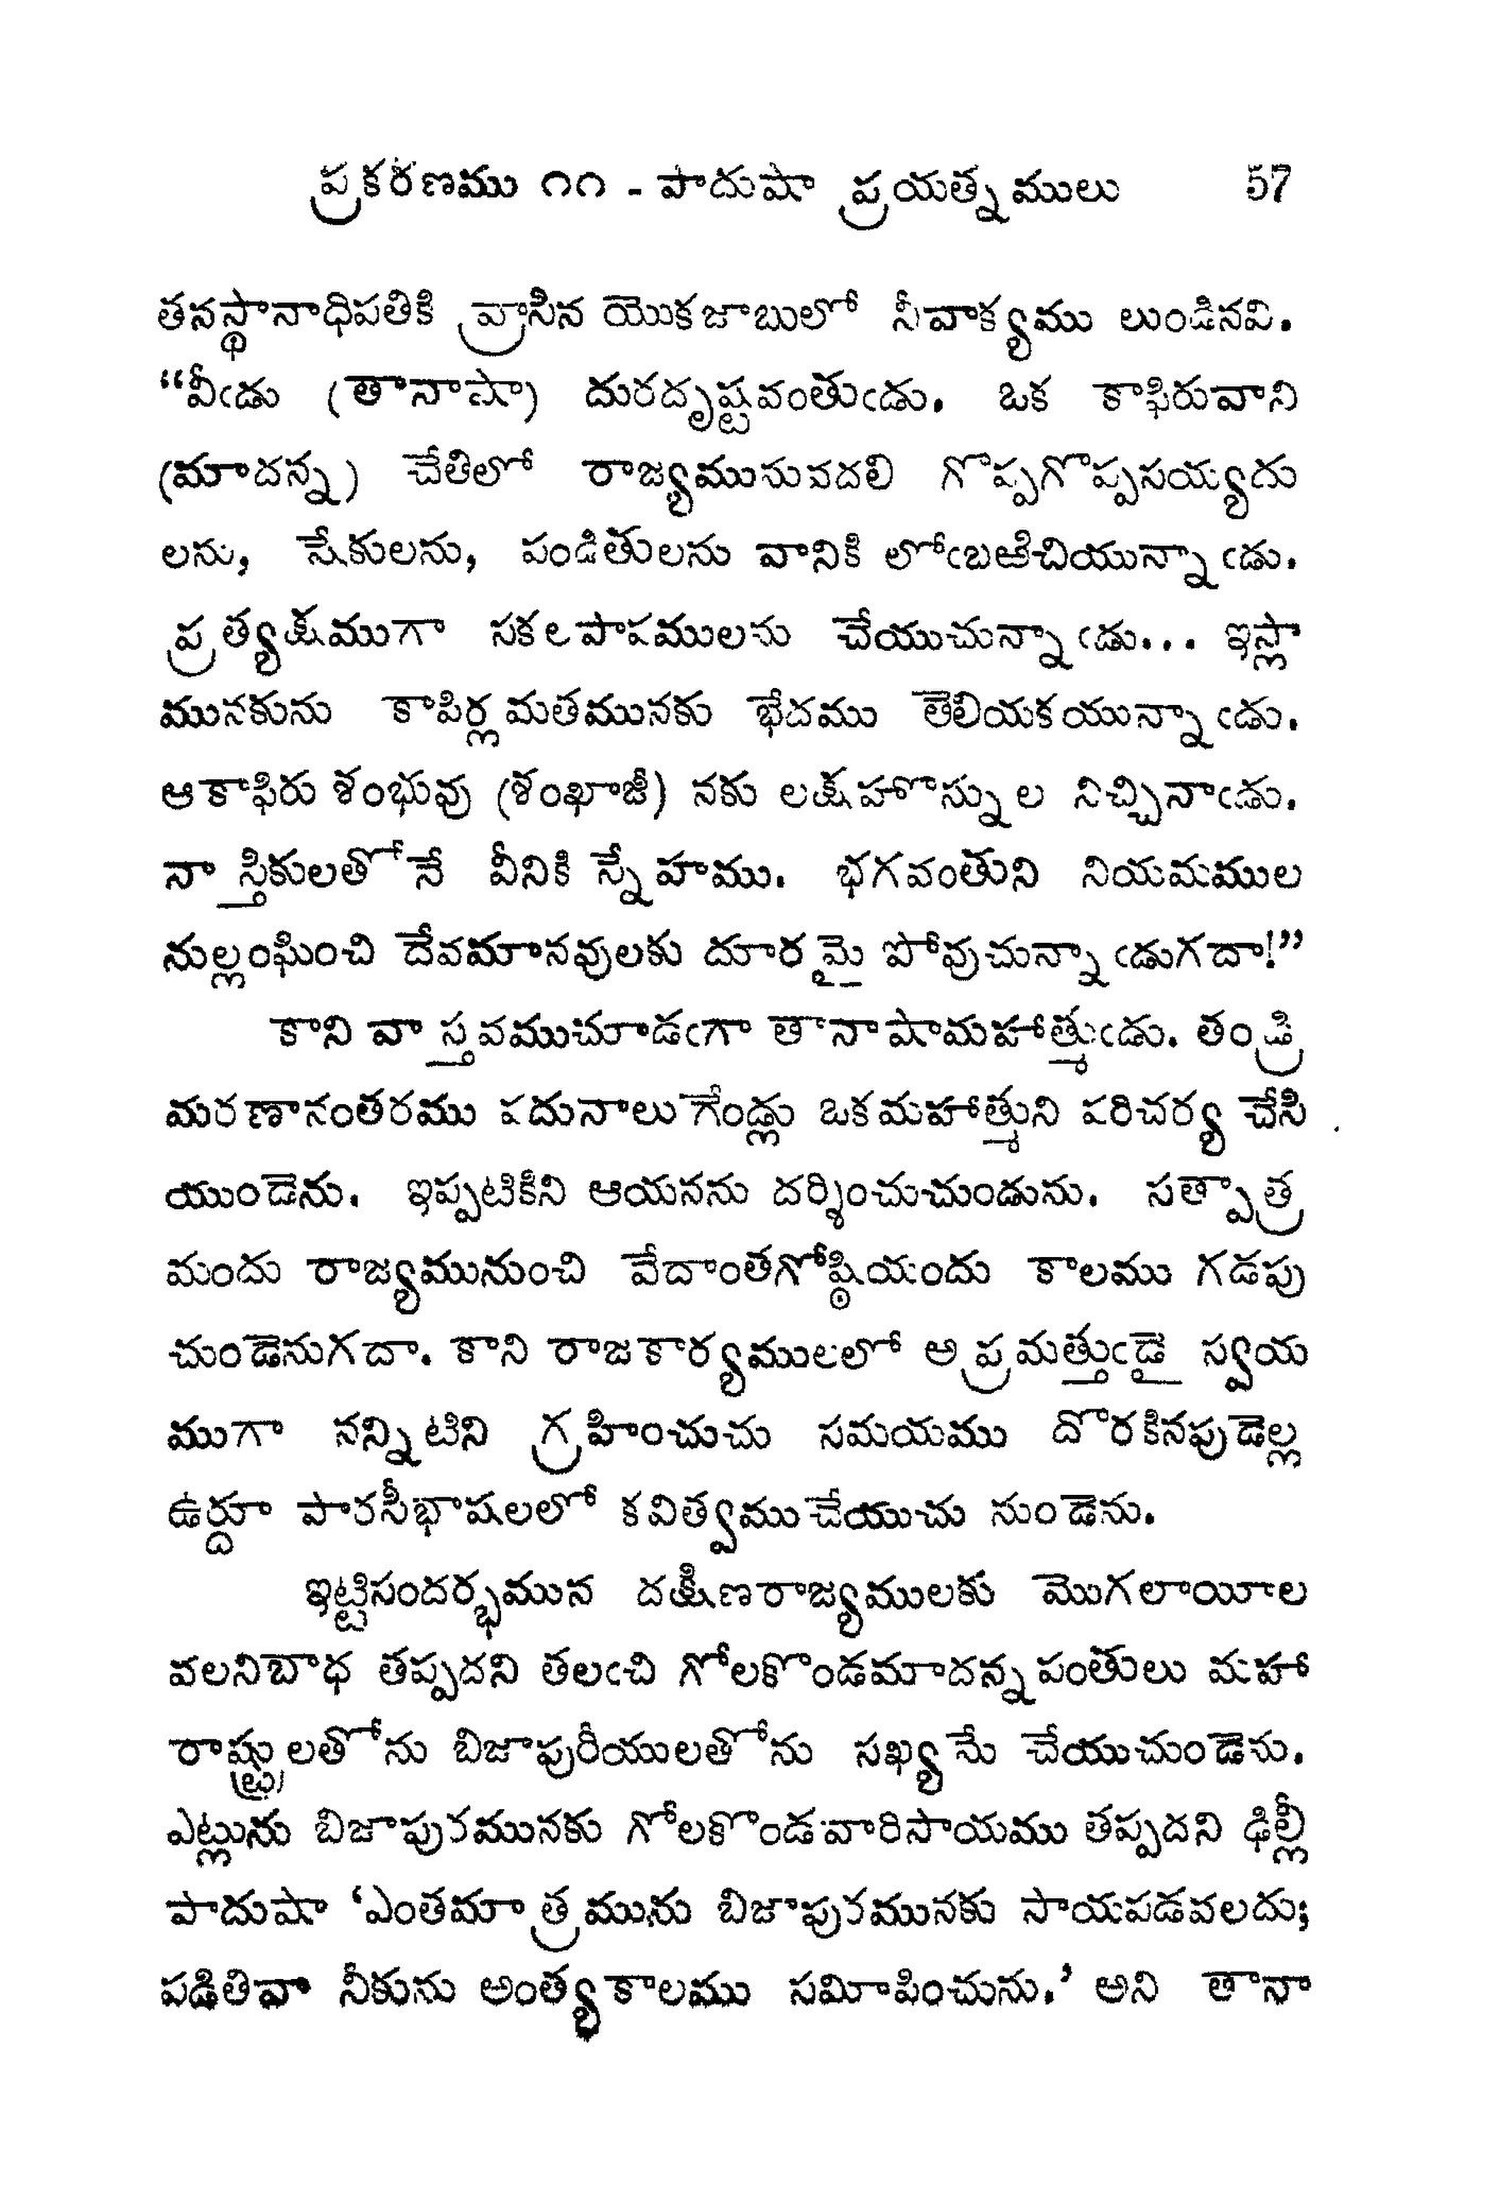తనస్థానాధిపతికి వ్రాసిన యొకజాబులో నీవాక్యము లుండినవి. “వీఁడు (తానాషా) దురదృష్టవంతుఁడు. ఒక కాఫిరువాని (మాదన్న) చేతిలో రాజ్యమునువదలి గొప్పగొప్పసయ్యదులను, షేకులను, పండితులను వానికి లోఁబఱచియున్నాఁడు. ప్రత్యక్షముగా సకలపాపములను చేయుచున్నాఁడు... ఇస్లామునకును కాఫిర్లమతమునకు భేదము తెలియకయున్నాఁడు. ఆకాఫిరు శంభువు (శంఖాజీ) నకు లక్షహొన్నుల నిచ్చినాఁడు. నాస్తికులతోనే వీనికి స్నేహము. భగవంతుని నియమముల నుల్లంఘించి దేవమానవులకు దూరమై పోవుచున్నాఁడుగదా!”

కాని వాస్తవముచూడఁగా తానాషామహాత్ముఁడు. తండ్రి మరణానంతరము పదునాలుగేండ్లు ఒకమహాత్ముని పరిచర్య చేసి యుండెను. ఇప్పటికిని ఆయనను దర్శించుచుండును. సత్పాత్రమందు రాజ్యమునుంచి వేదాంతగోష్ఠియందు కాలము గడపు చుండెనుగదా. కాని రాజకార్యములలో అప్రమత్తుఁడై స్వయముగా నన్నిటిని గ్రహించుచు సమయము దొరకినపుడెల్ల ఉర్దూ పారసీభాషలలో కవిత్వముచేయుచు నుండెను.

ఇట్టిసందర్భమున దక్షిణరాజ్యములకు మొగలాయీల వలనిబాధ తప్పదని తలఁచి గోలకొండమాదన్నపంతులు మహారాష్ట్రులతోను బిజాపురీయులతోను సఖ్యమే చేయుచుండెను. ఎట్లును బిజాపురమునకు గోలకొండవారిసాయము తప్పదని ఢిల్లీ పాదుషా ‘ఎంతమాత్రమును బిజాపురమునకు సాయపడవలదు; పడితివా నీకును అంత్యకాలము సమీపించును.’ అని తానా